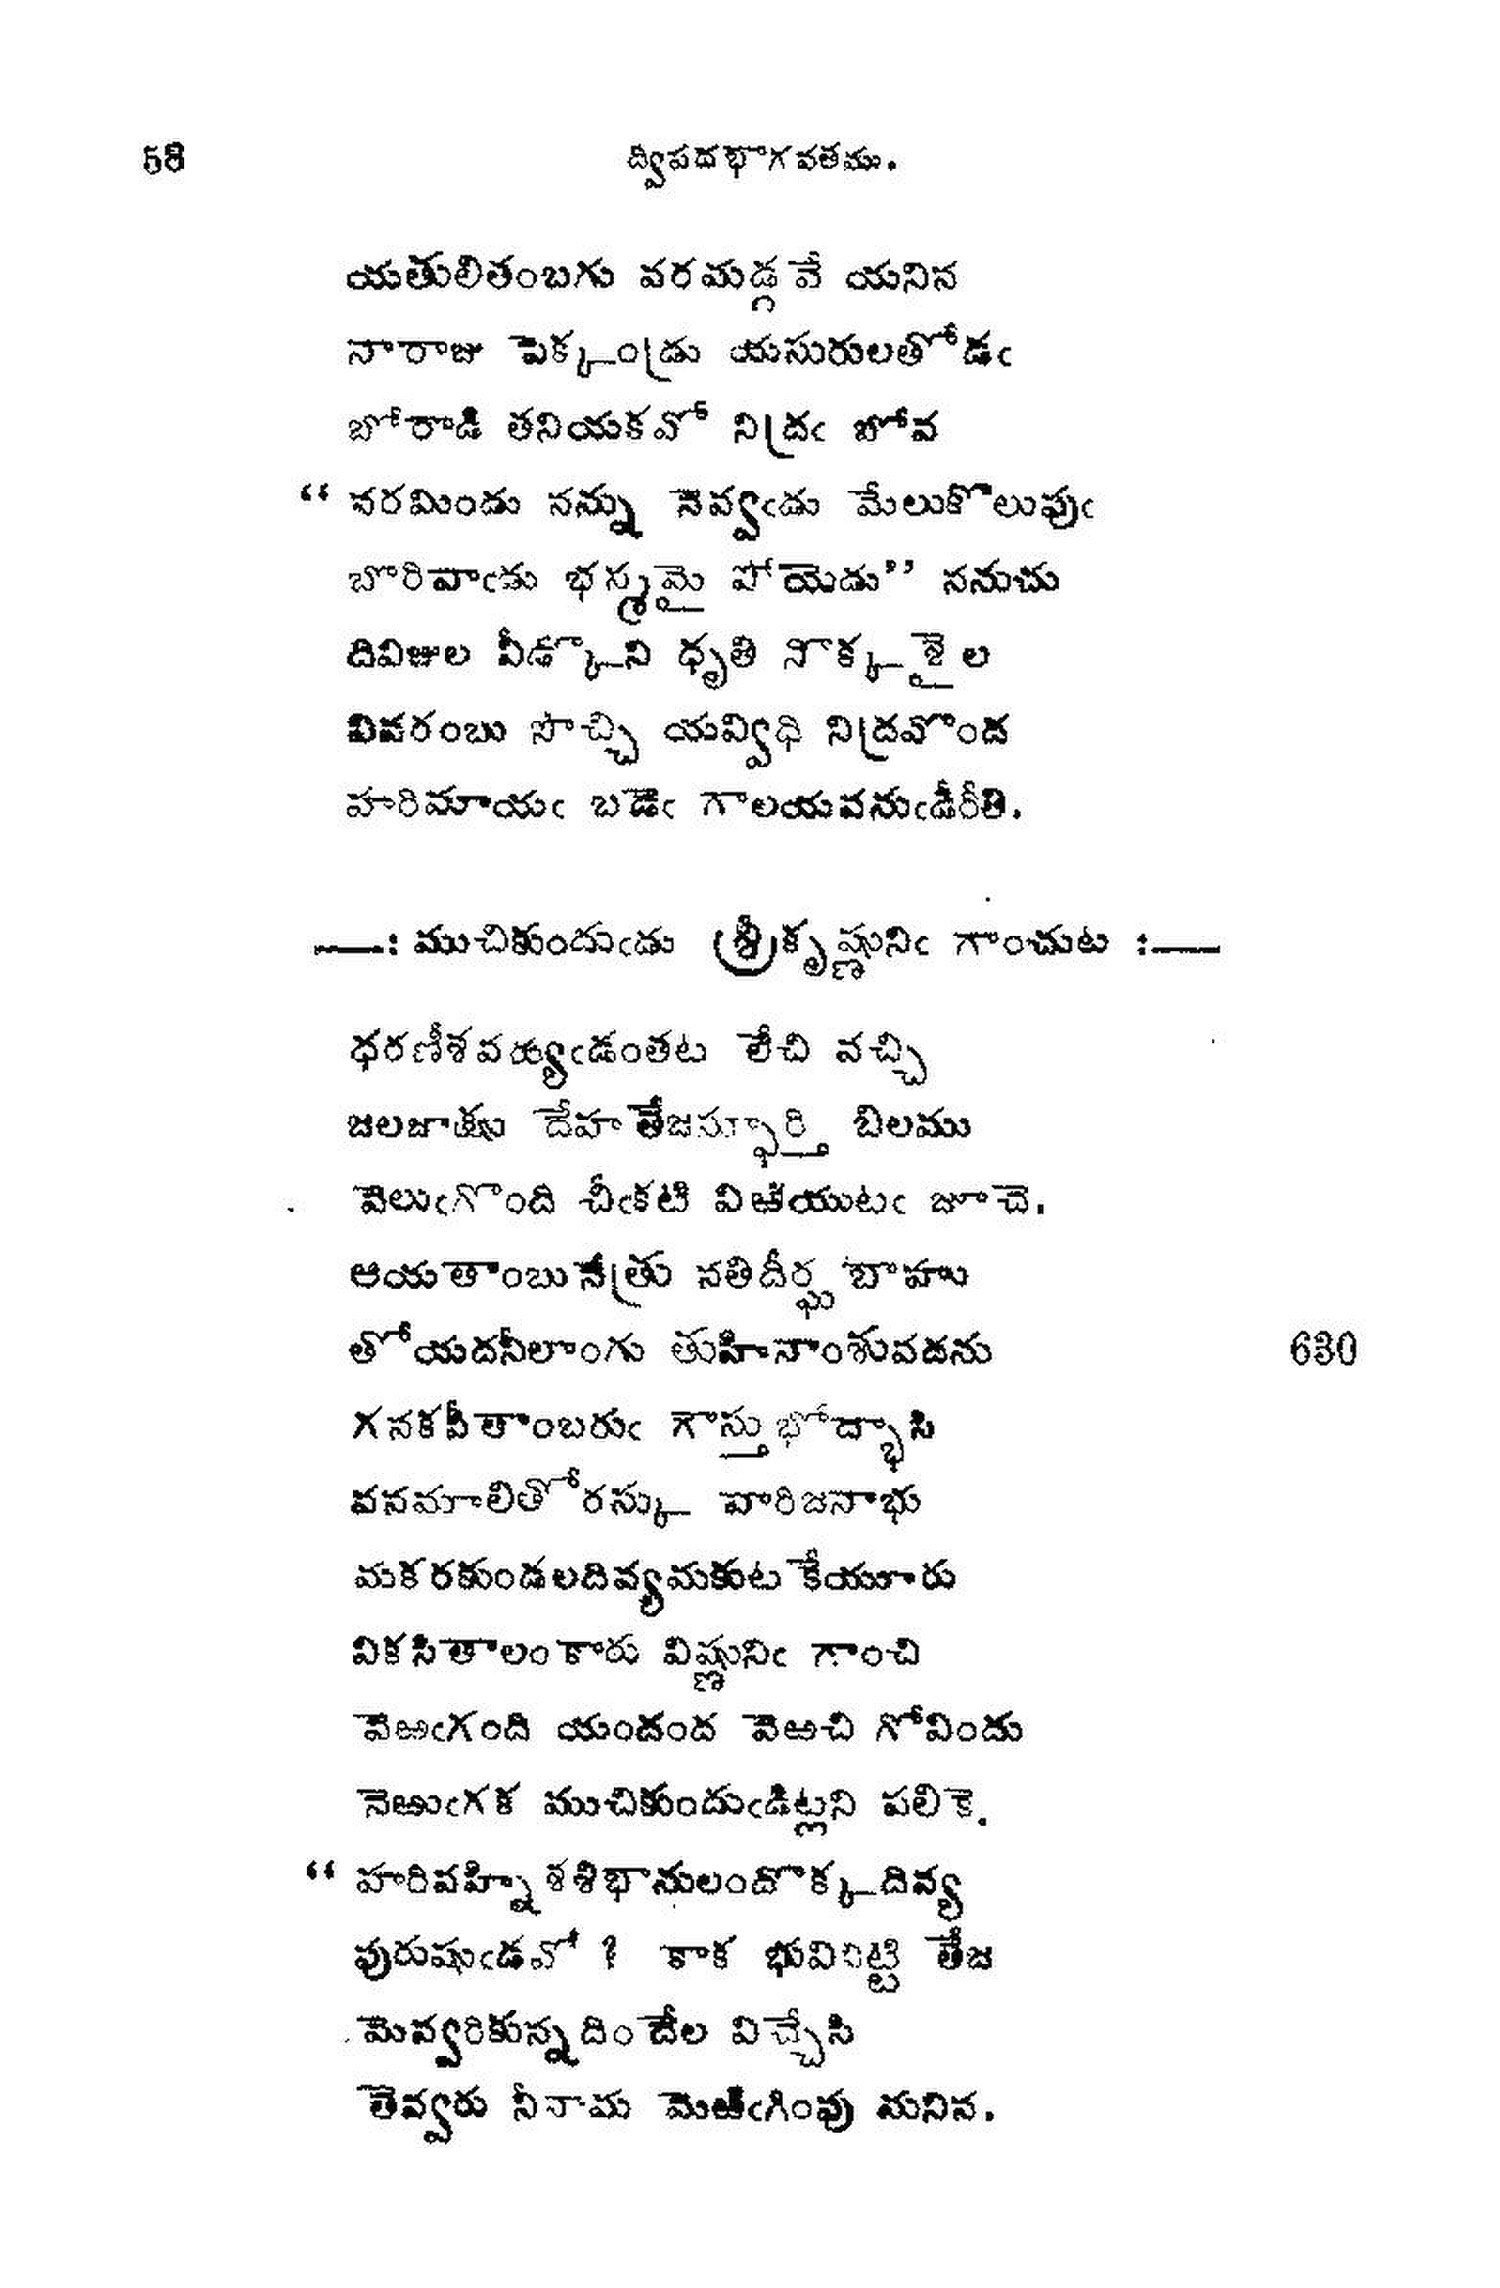యతులితంబగు వరమడ్గవే యనిన
నారాజు పెక్కండ్రు యసురులతోడఁ
బోరాడి తనియకవో నిద్రఁ బోవ
“వరమిండు నన్ను నెవ్వఁడు మేలుకొలుపుఁ
బొరివాఁడు భస్మమైపోయెడు” ననుచు
దివిజుల వీడ్కొని ధృతి నొక్కశైల
వివరంబు సొచ్చి యవ్విధి నిద్రవొంద
హరిమాయఁ బడెఁ గాలయవనుఁ డీరీతి.

ధరణీశవర్యుఁ డంతట లేచి వచ్చి
జలజాక్షు దేహతేజస్ఫూర్తి బిలము
వెలుగొంది చీకటి విఱియుటఁ జూచె.
ఆయతాంబునేత్రు నతిదీర్ఘబాహు
తోయదనీలాంగు తుహినాంశువదను
గనకపీతాంబరుఁ గౌస్తుభోద్భాసి
వనమాలితోరస్కు వారిజనాభు
మకరకుండలదివ్యమకుటకేయూరు
వికసితాలంకారు విష్ణునిఁ గాంచి
వెఱఁగంది యందంద వెఱచి గోవిందు
నెఱుఁగక ముచికుందుఁ డిట్లని పలికె.
“హరివహ్నిశశిభానులం దొక్కదివ్య
పురుషుఁడవో! కాక భువి నిట్టితేజ
మెవ్వరికున్న దిం దేల విచ్చేసి
తెవ్వరు నీనామ మెఱిఁగింపు” మనిన,